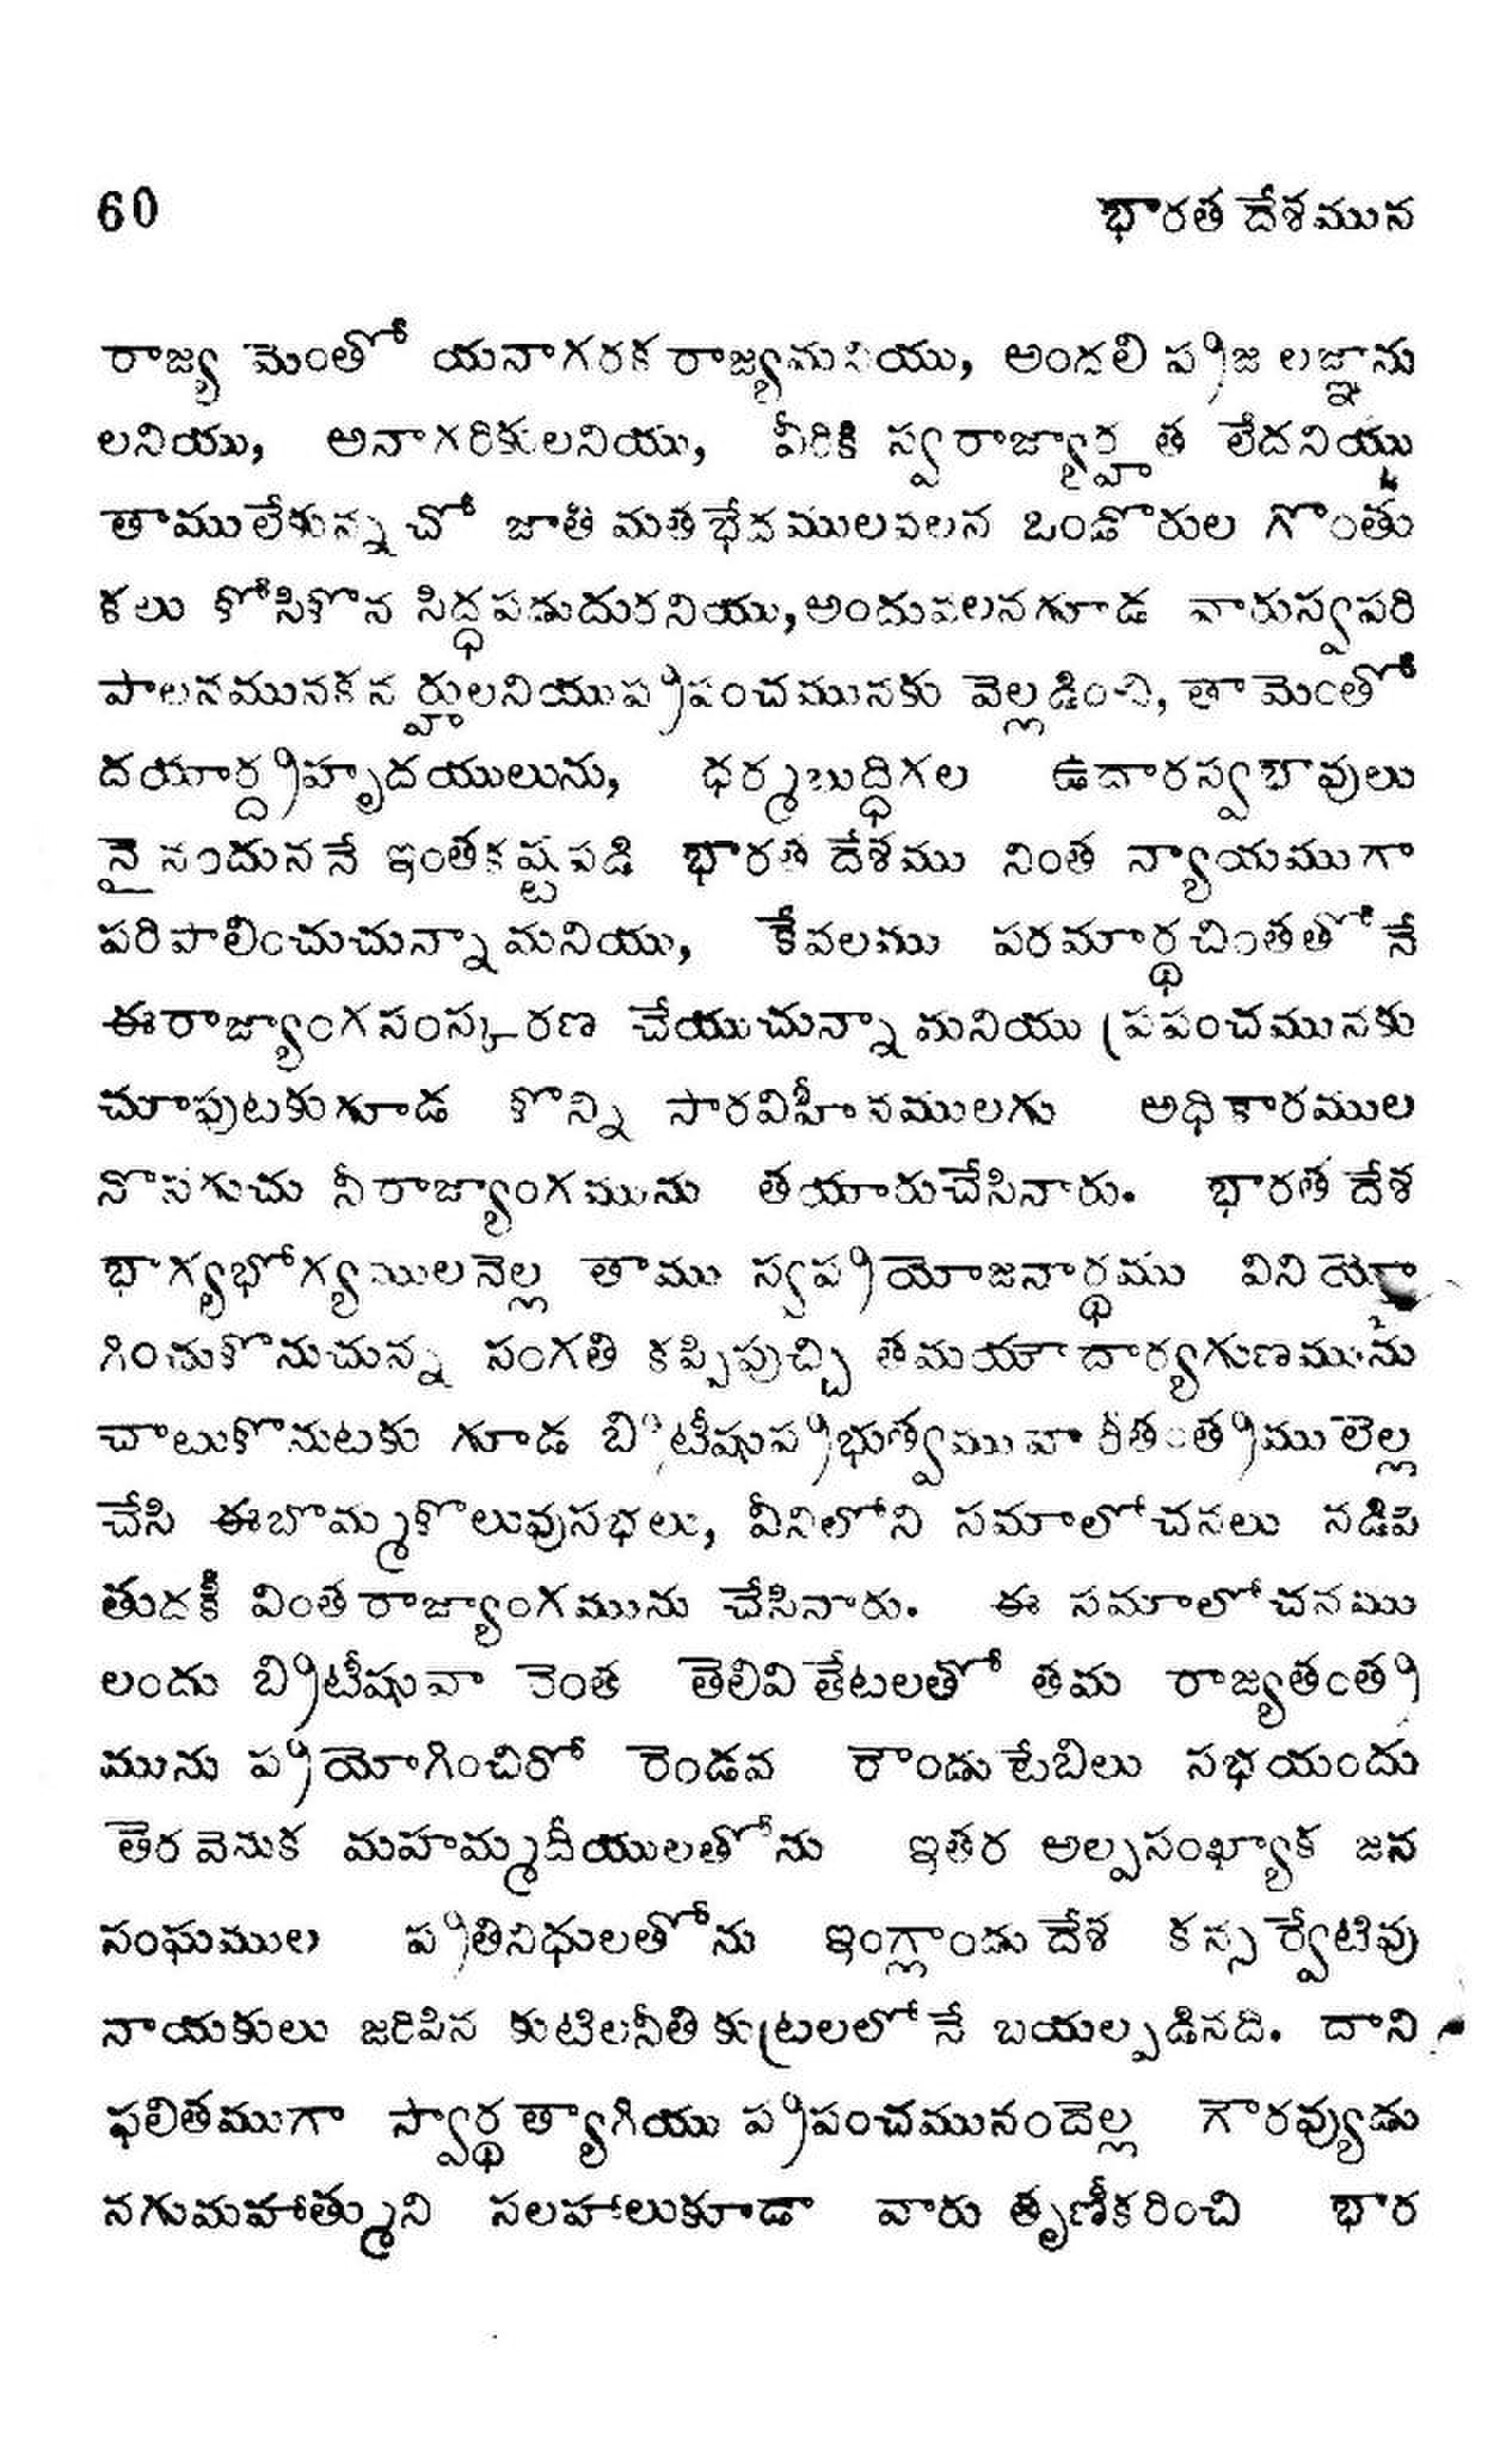రాజ్య మెంతో యనాగరకరాజ్యమనియు, అందలి ప్రజ లజ్ఞానులనియు, అనాగరికులనియు, వీరికి స్వరాజ్యార్హత లేదనియు తాములేకున్నచో జాతిమతభేదములవలన ఒండొరుల గొంతుకలు కోసికొన సిద్ధపడుదురనియు, అందువలన గూడ వారుస్వపరిపాలనమునకనర్హులనియు ప్రపంచమునకు వెల్లడించి, తామెంతో దయార్ద్రహృదయులును, ధర్మబుద్దిగల ఉదారస్వభావులు నై నందుననే ఇంత కష్టపడి భారతదేశము నింత న్యాయముగా పరిపాలించుచున్నా మనియు, కేవలము పరమార్థచింతతోనే ఈరాజ్యాంగసంస్కరణ చేయుచున్నామనియు ప్రపంచమునకు చూపుటకుగూడ కొన్ని సారవిహీనములగు అధికారముల నొసగుచు నీరాజ్యాంగమును తయారుచేసినారు. భారతదేశ భాగ్యభోగ్యములనెల్ల తాము స్వప్రయోజనార్థము వినియోగించుకొనుచున్న సంగతి కప్పిపుచ్చి తమయౌదార్యయగుణమును చాటుకొనుటకు గూడ బ్రిటీషుప్రభుత్వమువా రీతంత్రములెల్ల చేసి ఈ బొమ్మకొలువుసభలు, వీనిలోని సమాలోచనలు నడిపి తుదకీ వింతరాజ్యాంగమును చేసినారు. ఈ సమాలోచనము లందు బ్రిటీషువా రెంత తెలివితేటలతో తమ రాజ్యతంత్రమును ప్రయోగించిరో రెండవ రౌండు టేబిలు సభయందు తెరవెనుక మహమ్మదీయులతోను ఇతర అల్పసంఖ్యాక జనసంఘముల ప్రతినిధులతోను ఇంగ్లాండుదేశ కన్సర్వేటివు నాయకులు జరిపిన కుటిలనీతికుట్రలలోనే బయల్పడినది. దాని ఫలితముగా స్వార్థత్యాగియు ప్రపంచమునందెల్ల గౌరవ్యుడు నగుమహాత్ముని సలహాలుకూడా వారు తృణీకరించి భార